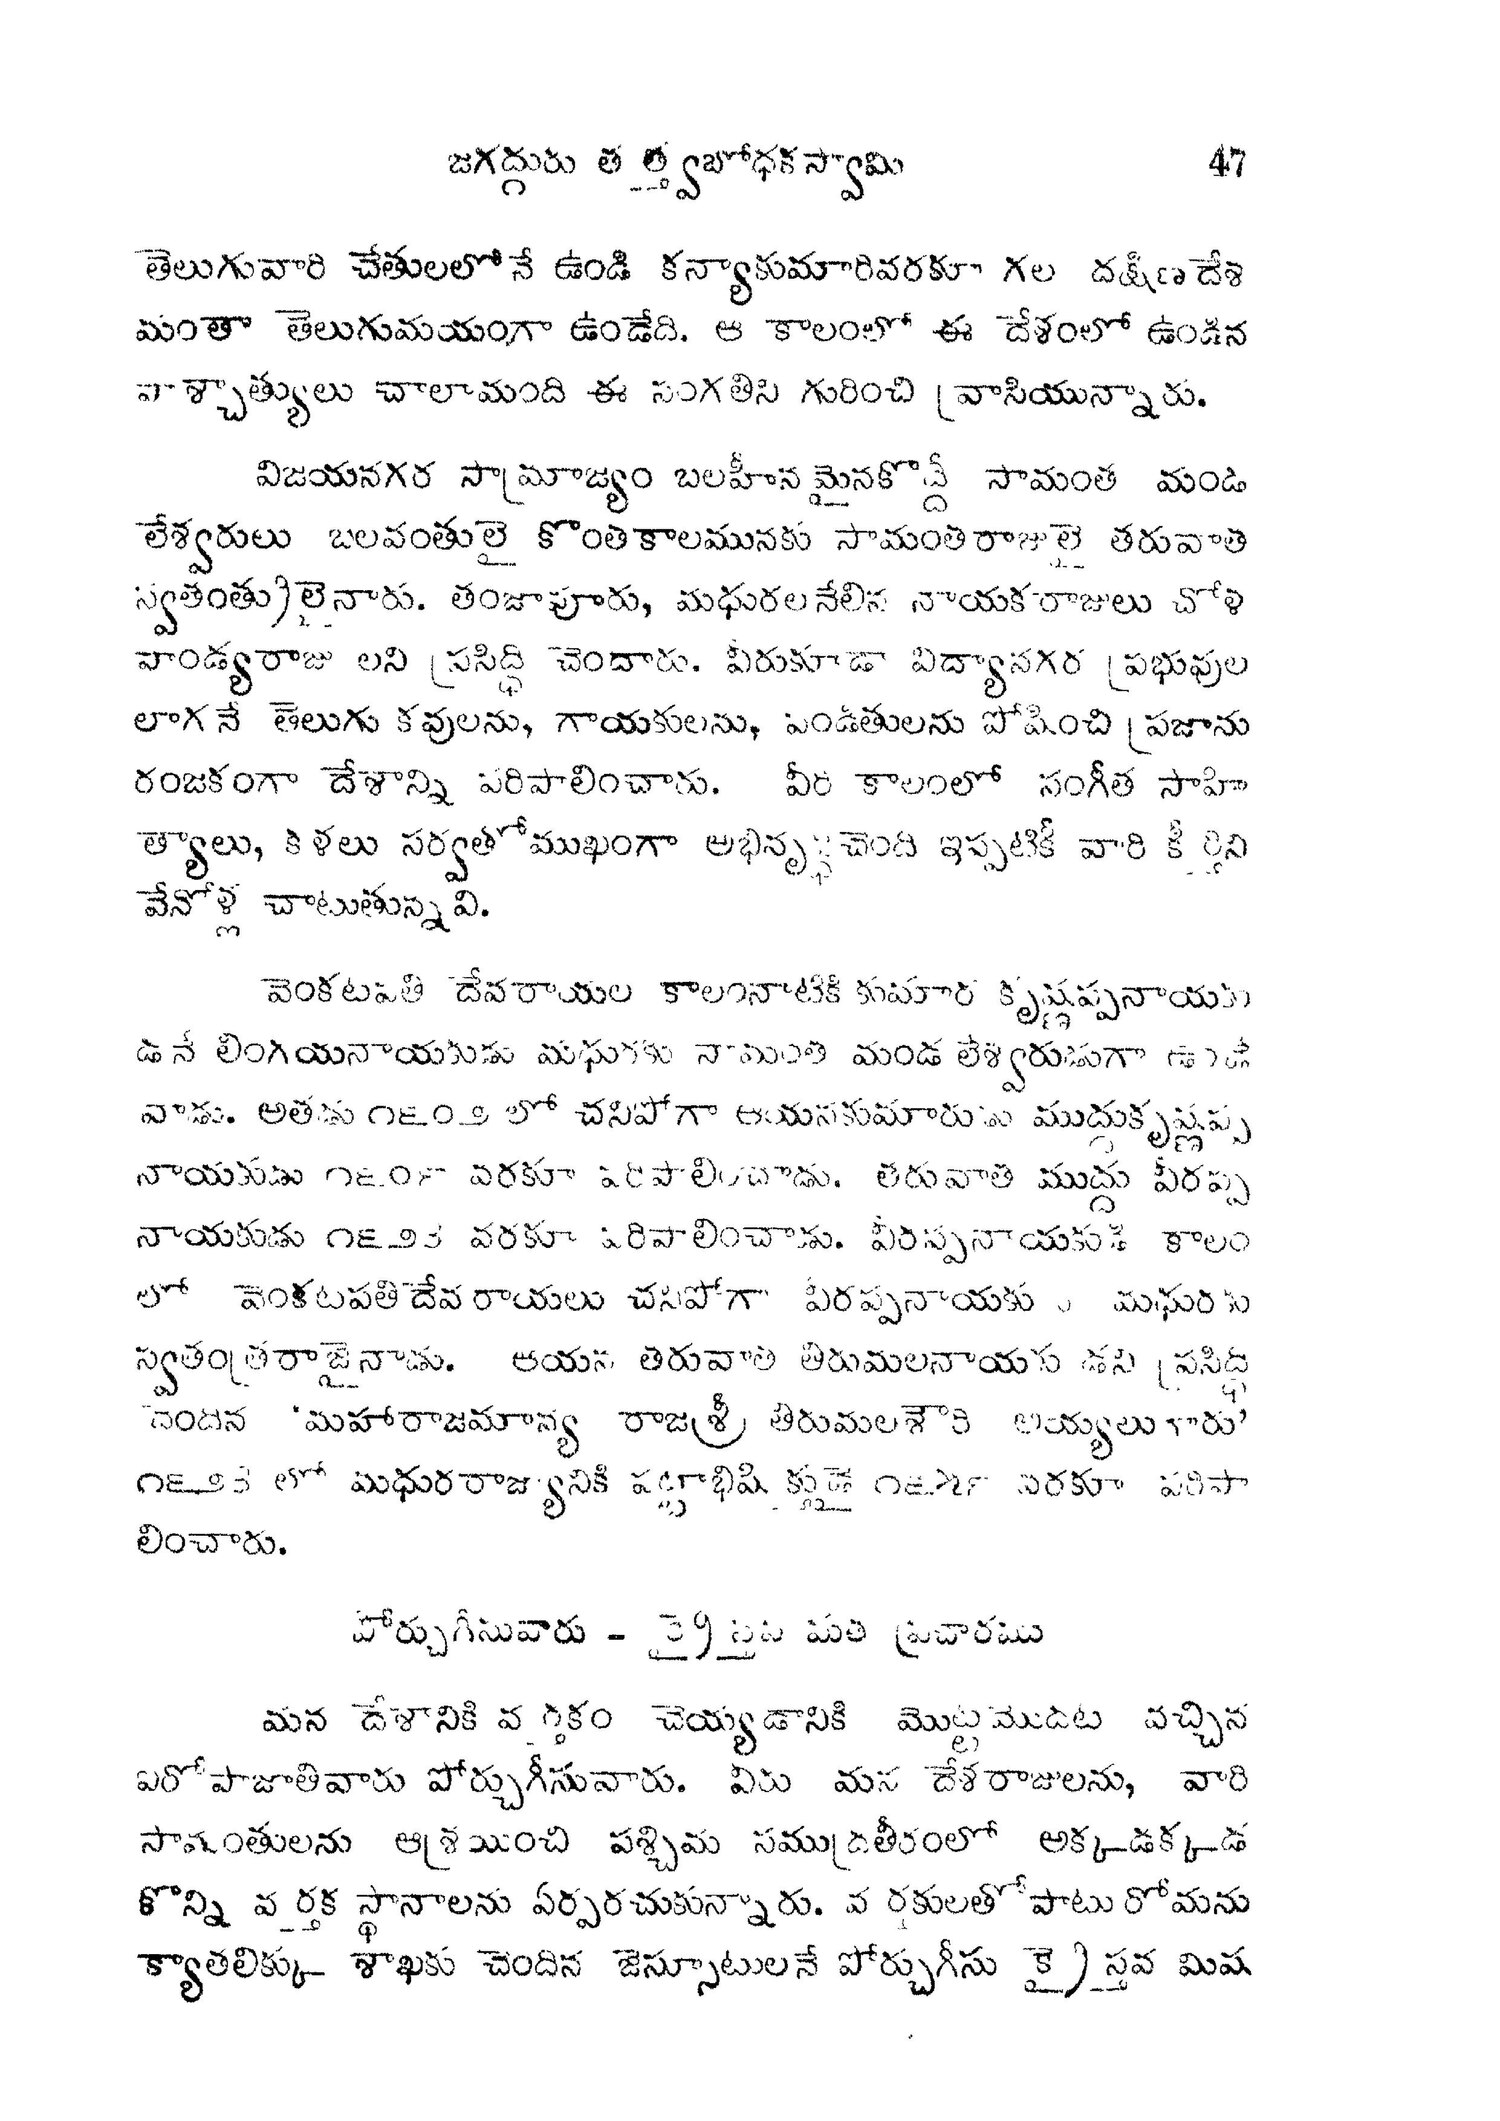తెలుగువారి చేతులలోనే ఉండి కన్యాకుమారివరకూ గల దక్షిణదేశమంతా తెలుగు మయంగా ఉండేది. ఆ కాలంలో ఈ దేశంలో ఉండిన పాశ్చాత్యులు చాలామంది ఈ సంగతిని గురించి వ్రాసియున్నారు.

విజయనగర సామ్రాజ్యం బలహీనమైనకొద్దీ సామంత మండలేశ్వరులు బలవంతులై కొంతకాలమునకు సామంతరాజులై తరువాత స్వతంత్రులైనారు. తంజావూరు, మధురలనేలిన నాయకరాజులు చోళపాండ్యరాజు లని ప్రసిద్ది చెందారు. వీరుకూడా విద్యానగర ప్రభువులలాగనే తెలుగు కవులను, గాయకులను, పండితులను పోషించిప్రజారంజకంగా దేశాన్ని పరిపాలించారు. వీరి కాలంలో సంగీత 
సాహిత్యాలు, కళలు సర్వతోముఖంగా అభివృద్ధి చెంది ఇప్పటికీ వారి కీర్తిని వేనోళ్ల చాటుతున్నవి.

వెంకటపతి దేవరాయల కాలంనాటికి కుమార కృష్ణప్పరాయలుడనే లింగయనాయకుడు మధురకు సామంత మండలేశ్వరుడుగా ఉండేవాడు. అతడును 1602 లో చనిపోగా ఆయనకుమారుడు ముద్ధుకృష్ణప్ప నాయుడు 1624 వరకూ పరిపాలించాడు. తరువాత ముద్ధు వీరప్ప నాయుడు 1624 వరకూ పరిపాలించాడు. వీరప్పనాయకుని కాలంలో వెంకటపతిదేవరాయలు చనిపోగా వీరప్పనాయకుడు మధురకు స్వతంత్రరాజైనాడు. ఆయన తరువాత తిరుమల నాయకుడని ప్రసిద్ధిచెందిన 'మహామాన్య రాజశ్రీ తిరుమలశౌరి అయ్యలుగారు ' 1623 లో మధురరాజ్యానికి పట్టాభిషిక్తుడై 1625 వరకూ పరిపాలించారు.

మన దేశానికి వర్తకం చెయ్యడానికి మొట్టమొదట వచ్చిన ఐరోపాజాతివారు పొర్చుగీసువారు. వీరు మన దేశరాజులను, వారి సామంతులను ఆశ్రయించి పశ్చిమ సముద్రతీరంలో అక్కడక్కడ కొన్ని వర్తక స్థానాలను ఏర్పరచుకున్నారు. వర్తకులతో పాటు రోమను క్యాతలిక్కు శాఖను చెందిన జెస్సూటులనే పోర్చుగీసు క్రైస్తవ మిష